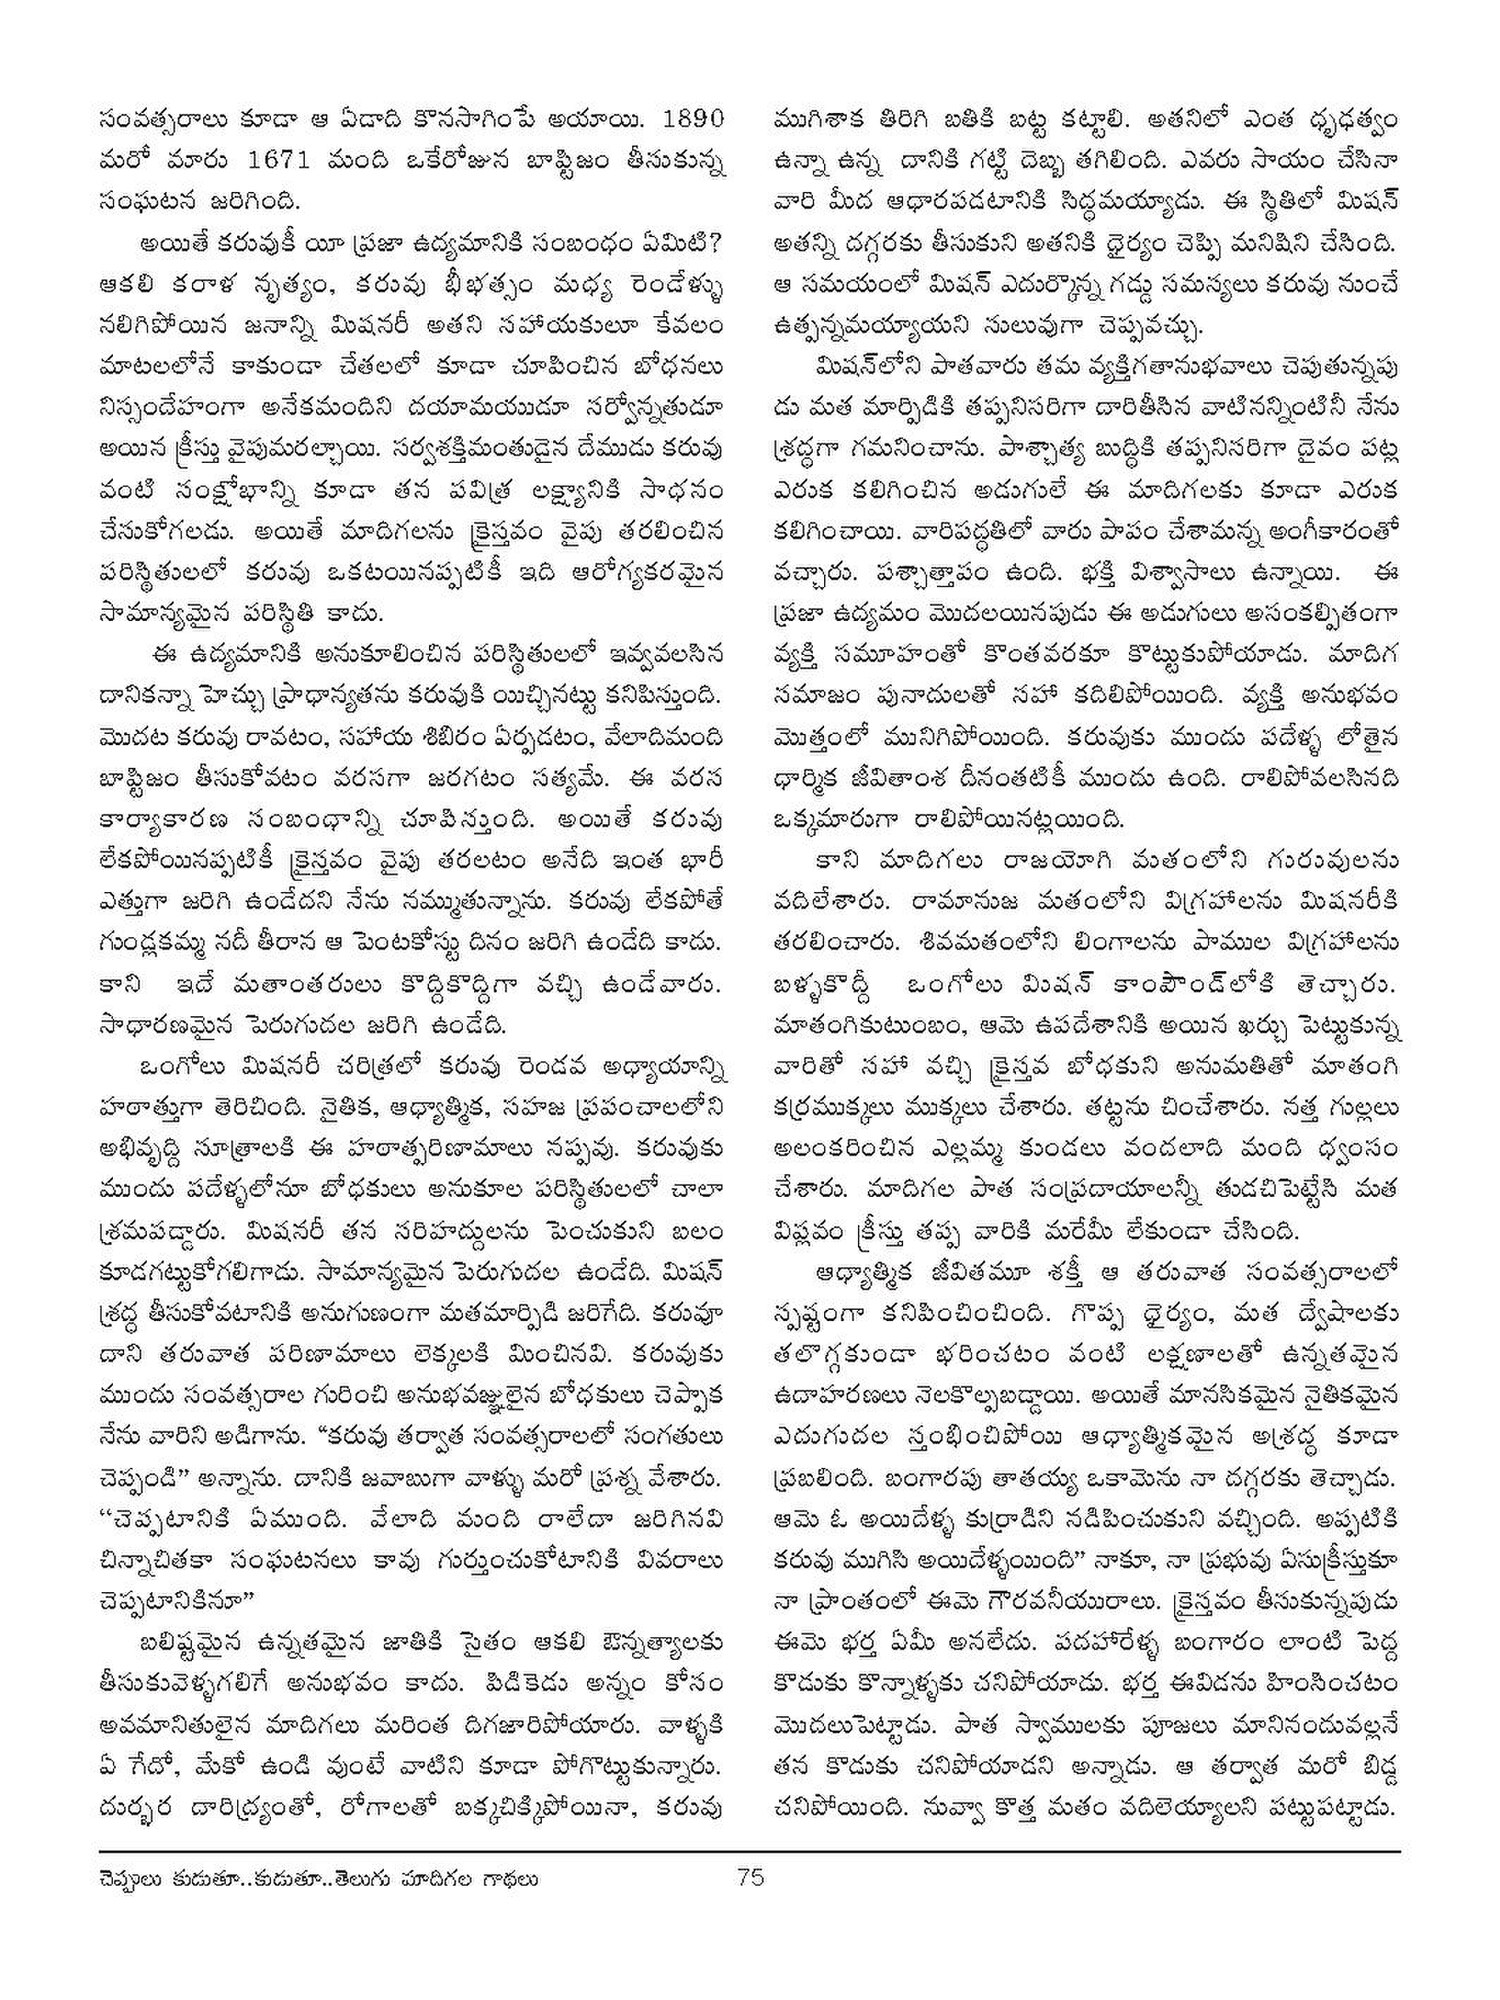సంవత్సరాలు కూడా ఆ ఏడాది కొనసాగింపే అయాయి. 1890 మరో మారు 1671 మంది ఒకేరోజున బాప్టిజం తీసుకున్న సంఘటన జరిగింది.

అయితే కరువుకీ యీ ప్రజా ఉద్యమానికి సంబంధం ఏమిటి? ఆకలి కరాళ నృత్యం, కరువు భీభత్సం మధ్య రెండేళ్ళు నలిగిపోయిన జనాన్ని మిషనరీ అతని సహాయకులూ కేవలం మాటలలోనే కాకుండా చేతలలో కూడా చూపించిన బోధనలు నిస్సందేహంగా అనేకమందిని దయామయుడూ సర్వోన్నతుడూ అయిన క్రీస్తు వైపుమరల్చాయి. సర్వశక్తిమంతుడైన దేముడు కరువు వంటి సంక్షోభాన్ని కూడా తన పవిత్ర లక్ష్యానికి సాధనం చేసుకోగలడు. అయితే మాదిగలను క్రైస్తవం వైపు తరలించిన పరిస్థితులలో కరువు ఒకటయినప్పటికీ ఇది ఆరోగ్యకరమైన సామాన్యమైన పరిస్థితి కాదు.

ఈ ఉద్యమానికి అనుకూలించిన పరిస్థితులలో ఇవ్వవలసిన దానికన్నా హెచ్చు ప్రాధాన్యతను కరువుకి యిచ్చినట్టు కనిపిస్తుంది. మొదట కరువు రావటం, సహాయ శిబిరం ఏర్పడటం, వేలాదిమంది బాప్టిజం తీసుకోవటం వరసగా జరగటం సత్యమే. ఈ వరస కార్యాకారణ సంబంధాన్ని చూపిస్తుంది. అయితే కరువు
లేకపోయినప్పటికీ క్రైస్తవం వైపు తరలటం అనేది ఇంత భారీ ఎత్తుగా జరిగి ఉండేదని నేను నమ్ముతున్నాను. కరువు లేకపోతే గుండ్లకమ్మ నదీ తీరాన ఆ పెంటకోస్టు దినం జరిగి ఉండేది కాదు. కాని
ఇదే మతాంతరులు కొద్దికొద్దిగా వచ్చి ఉండేవారు. సాధారణమైన పెరుగుదల జరిగి ఉండేది.

ఒంగోలు మిషనరీ చరిత్రలో కరువు రెండవ అధ్యాయాన్ని హఠాత్తుగా తెరిచింది. నైతిక, ఆధ్యాత్మిక, సహజ ప్రపంచాలలోని అభివృద్ధి సూత్రాలకి ఈ హఠాత్పరిణామాలు నప్పవు. కరువుకు ముందు పదేళ్ళలోనూ బోధకులు అనుకూల పరిస్థితులలో చాలా శ్రమపడ్డారు. మిషనరీ తన సరిహద్దులను పెంచుకుని బలం
కూడగట్టుకోగలిగాడు. సామాన్యమైన పెరుగుదల ఉండేది. మిషన్ శ్రద్ధ తీసుకోవటానికి అనుగుణంగా మతమార్పిడి జరిగేది. కరువూ దాని తరువాత పరిణామాలు లెక్కలకి మించినవి. కరువుకు ముందు సంవత్సరాల గురించి అనుభవజ్ఞులైన బోధకులు చెప్పాక నేను వారిని అడిగాను. "కరువు తర్వాత సంవత్సరాలలో సంగతులు చెప్పండి" అన్నాను. దానికి జవాబుగా వాళ్ళు మరో ప్రశ్న వేశారు. “చెప్పటానికి ఏముంది. వేలాది మంది రాలేదా జరిగినవి చిన్నాచితకా సంఘటనలు కావు గుర్తుంచుకోటానికి వివరాలు
చెప్పటానికినూ”

బలిష్టమైన ఉన్నతమైన జాతికి సైతం ఆకలి ఔన్నత్యాలకు తీసుకువెళ్ళగలిగే అనుభవం కాదు. పిడికెడు అన్నం కోసం అవమానితులైన మాదిగలు మరింత దిగజారిపోయారు. వాళ్ళకి ఏ గేదో, మేతో ఉండి వుంటే వాటిని కూడా పోగొట్టుకున్నారు. దుర్భర దారిద్ర్యంతో, రోగాలతో బక్కచిక్కిపోయినా, కరువు ముగిశాక తిరిగి బతికి బట్ట కట్టాలి. అతనిలో ఎంత ధృఢత్వం ఉన్నా ఉన్న దానికి గట్టి దెబ్బ తగిలింది. ఎవరు సాయం చేసినా వారి మీద ఆధారపడటానికి సిద్ధమయ్యాడు. ఈ స్థితిలో మిషన్ అతన్ని దగ్గరకు తీసుకుని అతనికి ధైర్యం చెప్పి మనిషిని చేసింది. ఆ సమయంలో మిషన్ ఎదుర్కొన్న గడ్డు సమస్యలు కరువు నుంచే
ఉత్పన్నమయ్యాయని సులువుగా చెప్పవచ్చు.

మిషన్‌లోని పాతవారు తమ వ్యక్తిగతానుభవాలు చెపుతున్నపుడు మత మార్పిడికి తప్పనిసరిగా దారితీసిన వాటినన్నింటినీ నేను శ్రద్ధగా గమనించాను. పాశ్చాత్య బుద్ధికి తప్పనిసరిగా దైవం పట్ల ఎరుక కలిగించిన అడుగులే ఈ మాదిగలకు కూడా ఎరుక కలిగించాయి. వారిపద్దతిలో వారు పాపం చేశామన్న అంగీకారంతో
వచ్చారు. పశ్చాత్తాపం ఉంది. భక్తి విశ్వాసాలు ఉన్నాయి. ఈ ప్రజా ఉద్యమం మొదలయినపుడు ఈ అడుగులు అసంకల్పితంగా వ్యక్తి సమూహంతో కొంతవరకూ కొట్టుకుపోయాడు. మాదిగ సమాజం పునాదులతో సహా కదిలిపోయింది. వ్యక్తి అనుభవం మొత్తంలో మునిగిపోయింది. కరువుకు ముందు పదేళ్ళ లోతైన ధార్మిక జీవితాంశ దీనంతటికీ ముందు ఉంది. రాలిపోవలసినది ఒక్కమారుగా రాలిపోయినట్లయింది.

కాని మాదిగలు రాజయోగి మతంలోని గురువులను వదిలేశారు. రామానుజ మతంలోని విగ్రహాలను మిషనరీకి తరలించారు. శివమతంలోని లింగాలను పాముల విగ్రహాలను బళ్ళకొద్దీ ఒంగోలు మిషన్ కాంపౌండ్‌లోకి తెచ్చారు. మాతంగికుటుంబం, ఆమె ఉపదేశానికి అయిన ఖర్చు పెట్టుకున్న వారితో సహా వచ్చి క్రైస్తవ బోధకుని అనుమతితో మాతంగి కర్రముక్కలు ముక్కలు చేశారు. తట్టను చించేశారు. నత్త గుల్లలు అలంకరించిన ఎల్లమ్మ కుండలు వందలాది మంది ధ్వంసం చేశారు. మాదిగల పాత సంప్రదాయాలన్నీ తుడచిపెట్టేసి మత విప్లవం క్రీస్తు తప్ప వారికి మరేమీ లేకుండా చేసింది.

ఆధ్యాత్మిక జీవితమూ శక్తీ ఆ తరువాత సంవత్సరాలలో స్పష్టంగా కనిపించించింది. గొప్ప ధైర్యం, మత ద్వేషాలకు తలొగ్గకుండా భరించటం వంటి లక్షణాలతో ఉన్నతమైన ఉదాహరణలు నెలకొల్పబడ్డాయి. అయితే మానసికమైన నైతికమైన ఎదుగుదల స్తంభించిపోయి ఆధ్యాత్మికమైన అశ్రద్ధ కూడా ప్రబలింది. బంగారపు తాతయ్య ఒకామెను నా దగ్గరకు తెచ్చాడు. ఆమె ఓ అయిదేళ్ళ కుర్రాడిని నడిపించుకుని వచ్చింది. అప్పటికి కరువు ముగిసి అయిదేళ్ళయింది" నాకూ, నా ప్రభువు ఏసుక్రీస్తుకూ నా ప్రాంతంలో ఈమె గౌరవనీయురాలు. క్రైస్తవం తీసుకున్నపుడు ఈమె భర్త ఏమీ అనలేదు. పదహారేళ్ళ బంగారం లాంటి పెద్ద కొడుకు కొన్నాళ్ళకు చనిపోయాడు. భర్త ఈవిడను హింసించటం మొదలుపెట్టాడు. పాత స్వాములకు పూజలు మానినందువల్లనే తన కొడుకు చనిపోయాడని అన్నాడు. ఆ తర్వాత మరో బిడ్డ చనిపోయింది. నువ్వా కొత్త మతం వదిలెయ్యాలని పట్టుపట్టాడు.